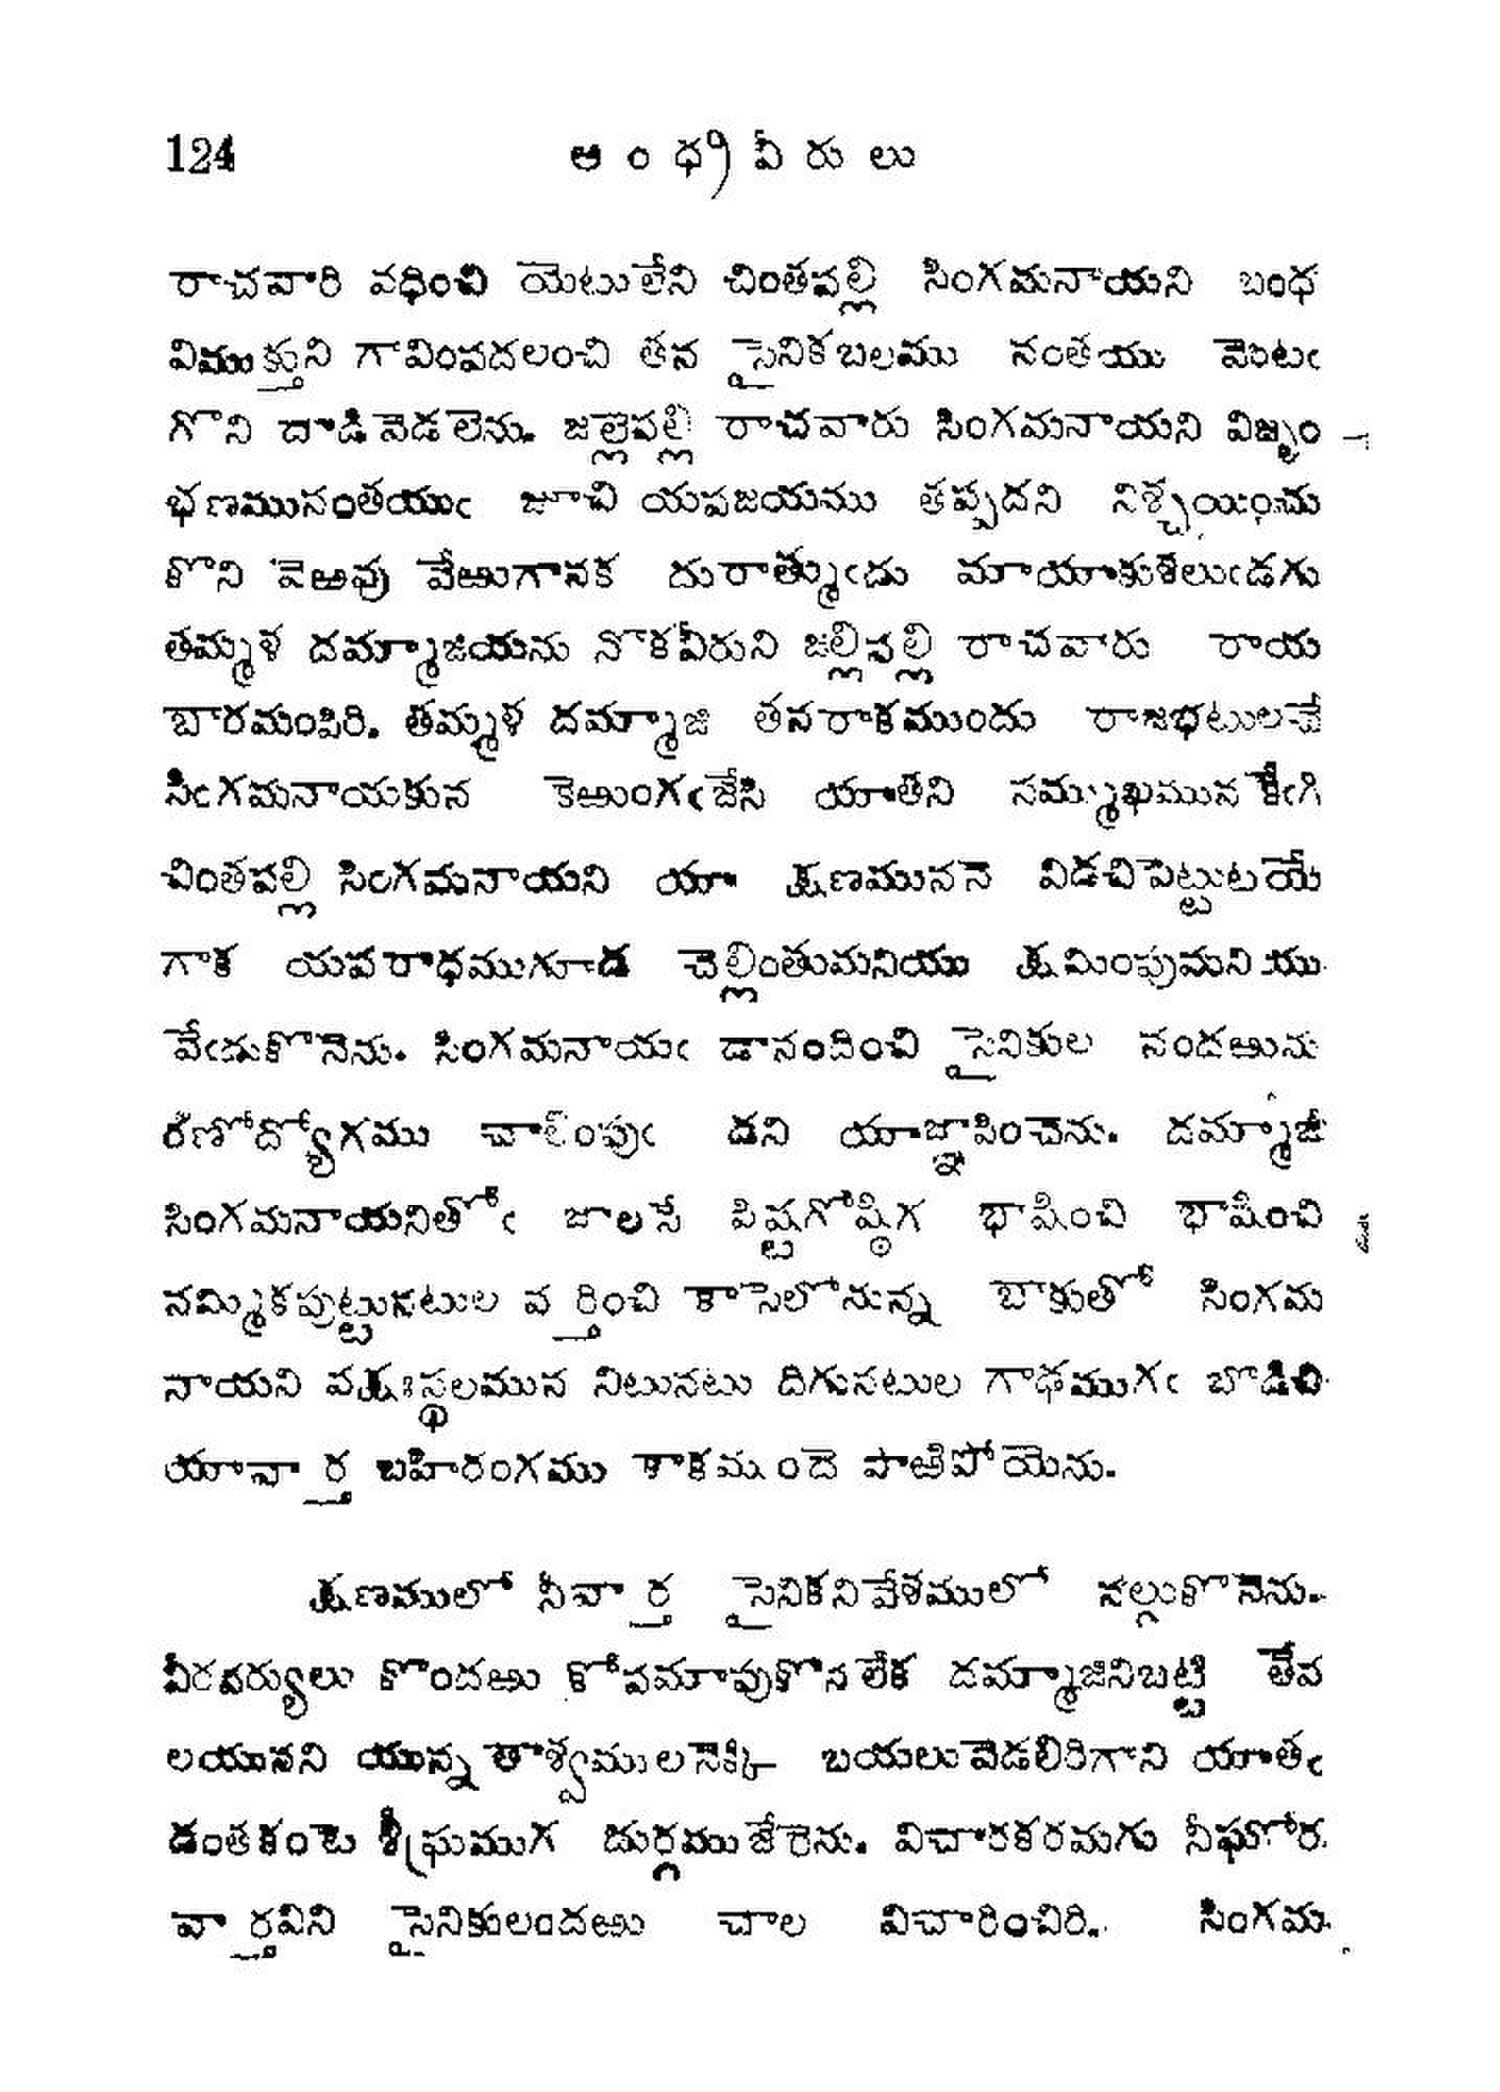రాచవారి వధించి యెటులేని చింతపల్లి సింగమనాయని బంధ విముక్తుని గావింపదలంచి తన సైనికబలము నంతయు వెంటగొని దాడివెడలెను. జల్లెపల్లి రాచవారు సింగమనాయని విజృంభణమునంతయు జూచి యపజయము తప్పదని నిశ్చయించుకొని వెఱవు వేఱుగానక దురాత్ముడు మాయాకుశలుడగు తమ్మళ దమ్మాజియను నొకవీరుని జల్లిపల్లి రాచవారు రాయబారమంపిరి. తమ్మళ దమ్మాజి తనరాకముందు రాజభటులచే సింగమనాయకున కెఱుంగజేసి యాతని సమ్ముఖమున కేగి చింతపల్లి సింగమనాయని యా క్షణముననె విడచిపెట్టుటయే గాక యపరాధముగూడ చెల్లింతుమనియు క్షమింపుమనియు వేడుకొనెను. సింగమనాయ డానందించి సైనికుల నందఱును రణోద్యోగము చాలింపు డని యాజ్ఞాపించెను. దమ్మాజి సింగమనాయనితో జాలసే పిష్టగోష్ఠిగ భాషించి భాషించి నమ్మిక పుట్టునటుల వర్తించి కాసెలోనున్న బాకుతో సింగమనాయని వక్ష:స్థలమున నిటునటు దిగునటుల గాఢముగ బొడిచి యావార్త బహిరంగము కాకముందె పాఱిపోయెను.

క్షణములో నీవార్త సైనికనివేశములో నల్లుకొనెను. వీరవర్యులు కొందఱు కోపమాపుకొనలేక దమ్మాజినిబట్టి తేవలయునని యున్నతాశ్వములనెక్కి బయలువెడలిరిగాని యాత డంతకంటె శీఘ్రముగ దుర్గముజేరెను. విచారకరమగు నీఘోరవార్తవిని సైనికులందఱు చాల విచారించిరి. సింగమ